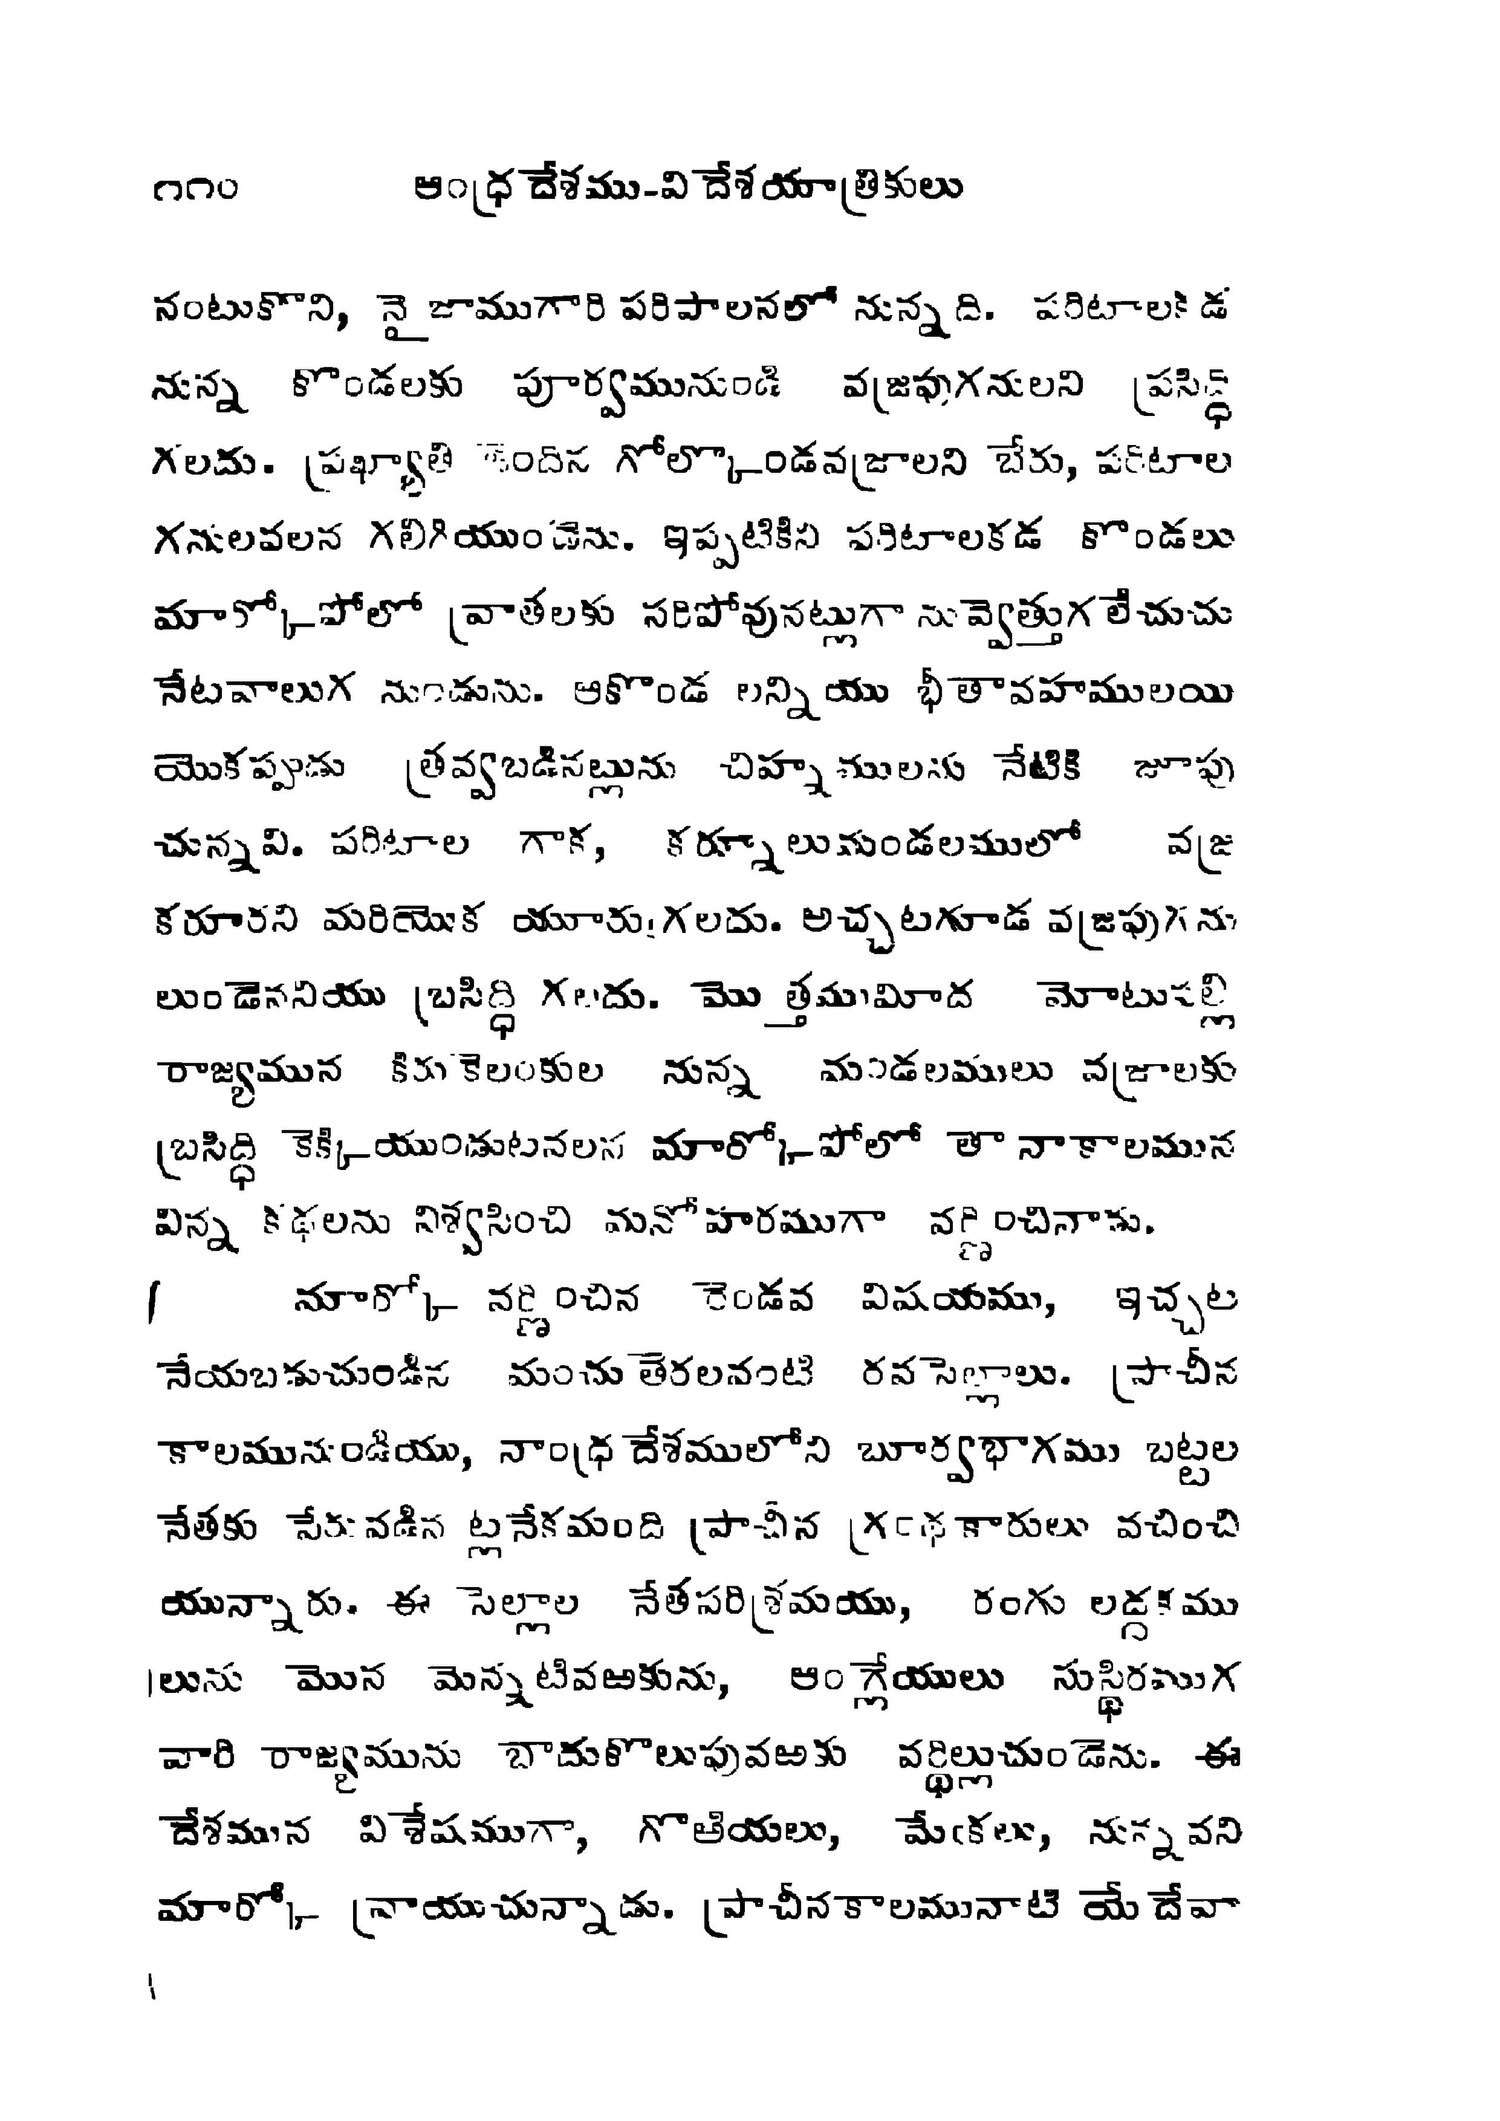నంటుకొని, నైజాముగారి పరిపాలనలో నున్నది. పరిటాలకడ నున్న కొండలకు పూర్వమునుండి వజ్రపుగనులని ప్రసిద్ధిగలదు. ప్రఖ్యాతి జెందిన గోల్కొండవజ్రాలని బేరు, పరిటాల గనులవలన గలిగియుండెను. ఇప్పటికిని పరిటాలకడ కొండలు మార్కోపోలో వ్రాతలకు సరిపోవునట్లుగా నువ్వెత్తుగలేచుచు నేటవాలుగ నుండును. ఆకొండ లన్నియు భీతావహములయి యొకప్పుడు త్రవ్వబడినట్లును చిహ్నములను నేటికి జూపుచున్నవి. పరిటాల గాక, కర్నూలు మండలములో వజ్రకరూరని మరియొక యూరుగలదు. అచ్చటగూడ వజ్రపు గనులుండెననియు బ్రసిద్ధి గలదు. మొత్తముమీద మోటుపల్లి రాజ్యమున కిరుకెలంకుల నున్న మండలములు వజ్రాలకు బ్రసిద్ధి కెక్కియుండుట వలన మార్కోపోలో తానాకాలమున విన్న కథలను విశ్వసించి మనోహరముగా వర్ణించినాడు.

మార్కో వర్ణించిన రెండవ విషయము, ఇచ్చట నేయబడుచుండిన మంచు తెరలవంటి రవసెల్లాలు. ప్రాచీనకాలము నుండియు, నాంధ్రదేశములోని బూర్వభాగము బట్టల నేతకు పేరువడిన ట్లనేకమంది ప్రాచీన గ్రంథకారులు వచించియున్నారు. ఈ సెల్లాల నేతపరిశ్రమయు, రంగు లద్దకములును మొన మొన్నటి వఱకును, ఆంగ్లేయులు సుస్థిరముగ వారి రాజ్యమును బాదుకొలుపు వఱకు వర్థిల్లుచుండెను. ఈ దేశమున విశేషముగా, గొఱియలు, మేకలు, నున్నవని మార్కో వ్రాయుచున్నాడు. ప్రాచీనకాలమునాటి యేదేవా